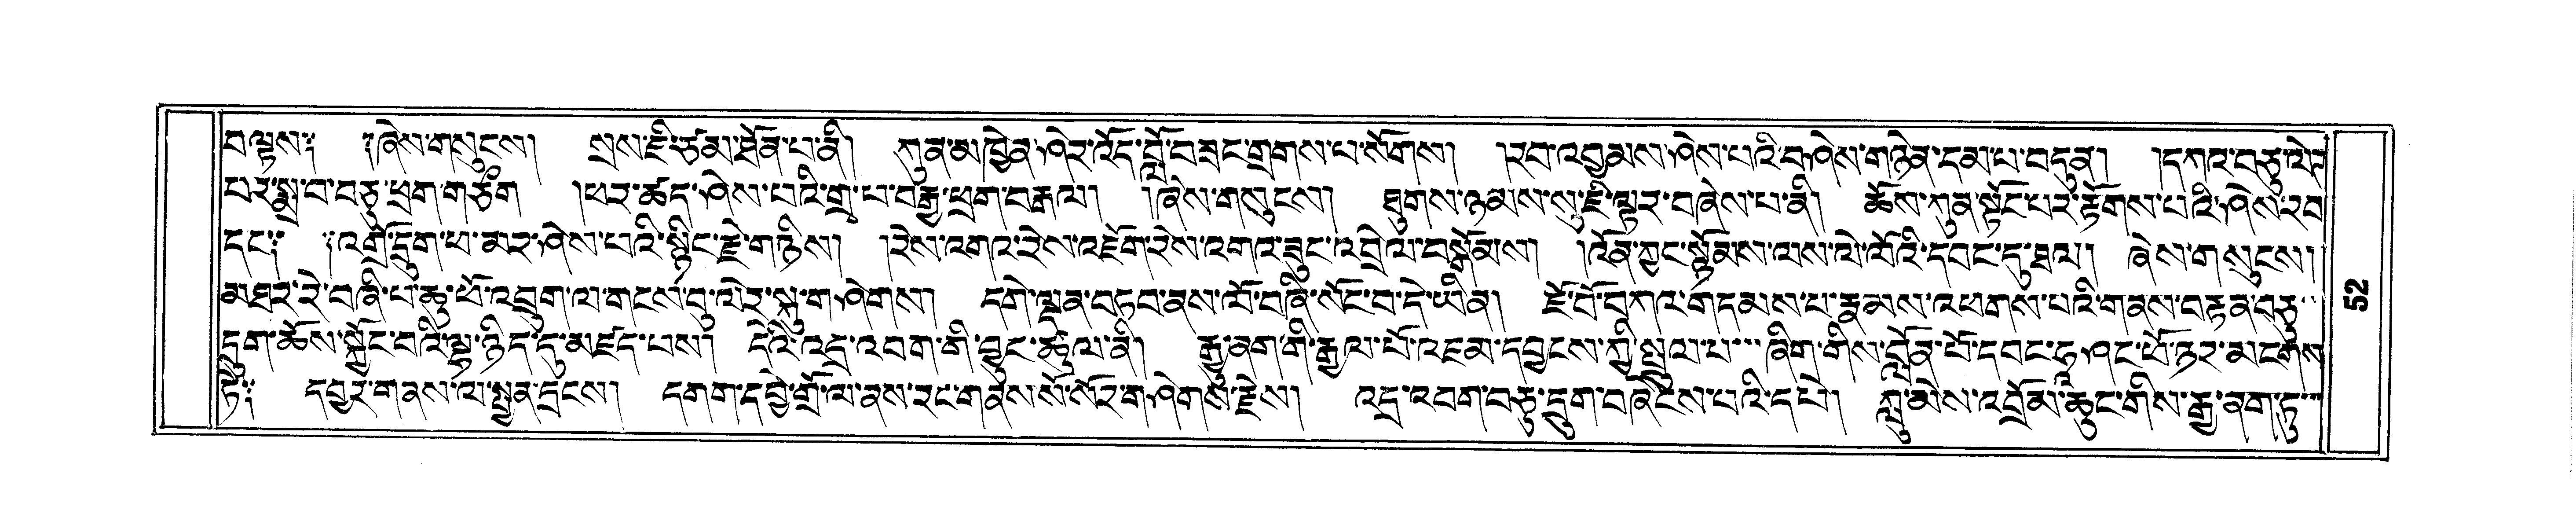བལྟས༑ ༑ཞེས་གསུངས། སྲས་ཇི་ཙམ་ཐོན་པ་ནི། ཀུན་མཁྱེན་ཤེར་འོད་བློ་བཟང་གྲགས་པ་སོགས། །རབ་འབྱམས་ཤེས་པའི་བཤེས་གཉེན་དམ་པ་བདུན། །དཀའ་བཅུ་ལེཊ་
པར་སྨྲ་བ་བཅུ་ཕྲག་གཅིག །ཕར་ཚད་ཤེས་པའི་གྲྭ་པ་བརྒྱ་ཕྲག་བརྒལ། །ཞེས་གསུངས། ཐུགས་ཉམས་སུ་ཇི་ལྟར་བཞེས་པ་ནི། ཆོས་ཀུན་སྟོང་པར་རྟོགས་པའི་ཤེས་རབ་
དང༑ ༑འགྲོ་དྲུག་ཕ་མར་ཤེས་པའི་སྙིང་རྗེ་གཉིས། །རེས་འགའ་རེས་འཇོག་རེས་འགའ་ཟུང་འབྲེལ་བསྒོམས། །འོན་ཀྱང་སྙོམས་ལས་ལེ་ལོའི་དབང་དུ་ཐལ། ཞེས་གསུངས།
མཐར་རེ་བཞི་པ་ཆུ་ཕོ་འབྲུག་ལ་གངས་བུ་ལེར་སྐུ་གཤེགས། དགེ་ལྡན་བཏབ་ནས་ལོ་བཞི་སོང་བ་དེ་ཡིན། ཇོ་བོ་བཀའ་གདམས་པ་རྣམས་འཕགས་པའི་གནས་བརྟན་བཅུ་
དྲུག་ཆོས་སྐྱོང་བའི་ལྷ་ཉིད་དུ་མཛད་པས། དེའི་འདྲ་འབག་གི་བྱུང་ཚུལ་ནི། རྒྱུ་ནག་གི་རྒྱལ་པོ་འཇམ་དབྱངས་ཀྱི་སྤྲུལ་པ་ཞིག་གིས་བློན་པོ་དབང་ཧཱ་ཤང་ཕོ་ཉར་མངགས་
ཏེ༑ དབྱར་གནས་ལ་སྤྱན་དྲངས། དགག་དབྱེ་གྲོ་ལ་ནས་རང་གནས་སོ་སོར་གཤེགས་རྗེས། འདྲ་འབག་བཅུ་དྲུག་བཞེངས་པའི་དཔེ། ཀླུ་མེས་འབྲོམ་ཆུང་གིས་རྒྱ་ནག་ཏུ་